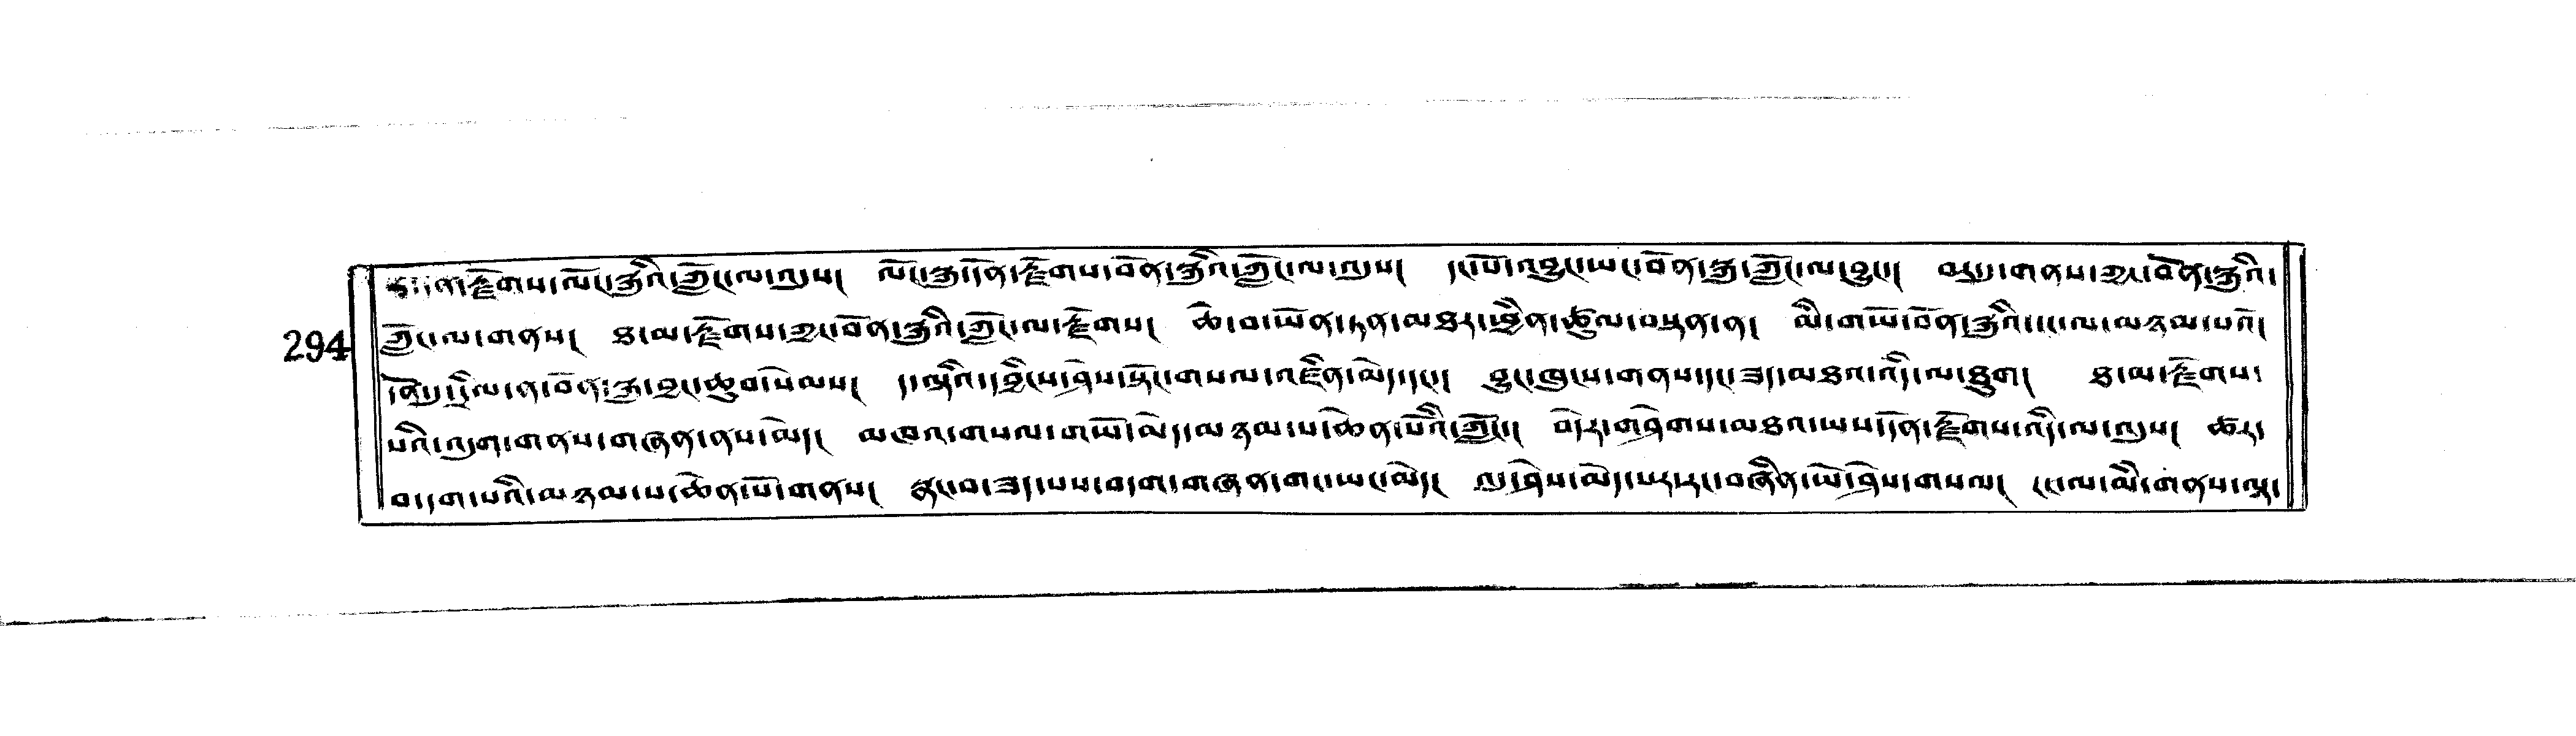སྐུ་དོན་རྫོགས་ལོངས་སྐུའི་ཀློང་ལ་འདུས། ལོངས་སྐུ་དོན་རྫོགས་བོན་སྐུའི་ཀློང་ལ་འདུས། དང་པོ་འབྱུང་ཡང་བོན་སྐུ་ཀློང་ལ་འབྱུང་། བར་དུ་གནས་ཀྱང་བོན་སྐུའི་
ཀློང་ལ་གནས། ཐ་མ་རྫོགས་ཀྱང་བོན་སྐུའི་ཀློང་ལ་རྫོགས། ཆེ་བ་ཡོན་ཏན་མཐར་ཕྱིན་ཚུལ་བསྟན་ན། མི་གཡོ་བོན་སྐུའི་ངང་ལ་མཉམ་པའོ། 
དོན་དུ་དྲིལ་ན་བོན་སྐུ་བྱང་ཆུབ་སེམས། ད་ལྟའི་དབྱིངས་ཤེས་སྟོང་གསལ་འཛིན་མེད་དང་། བྱུང་ཁུངས་གནས་དང་ཟད་མཐའ་འདི་ལ་ཐུག ཐ་མ་རྫོགས་
པའི་འདུག་གནས་གཞན་ནས་མེད། མཁའ་གསལ་གཡོ་མེད་མཉམ་པ་ཆེན་པོའི་ཀློང་། བདེར་གཤེགས་མཐའ་ཡས་དོན་རྫོགས་འདི་ལ་འདུས། ཚར་
བ་དག་པའི་མཉམ་པ་ཆེན་པོ་གནས། སྣང་བ་ཟད་པས་བདག་གཞན་གང་ཡང་མེད། འདུ་ཤེས་མེད་པར་རང་བཞིན་ཡེ་ཤེས་གསལ། ངང་ལ་མི་གནས་ལྟ་